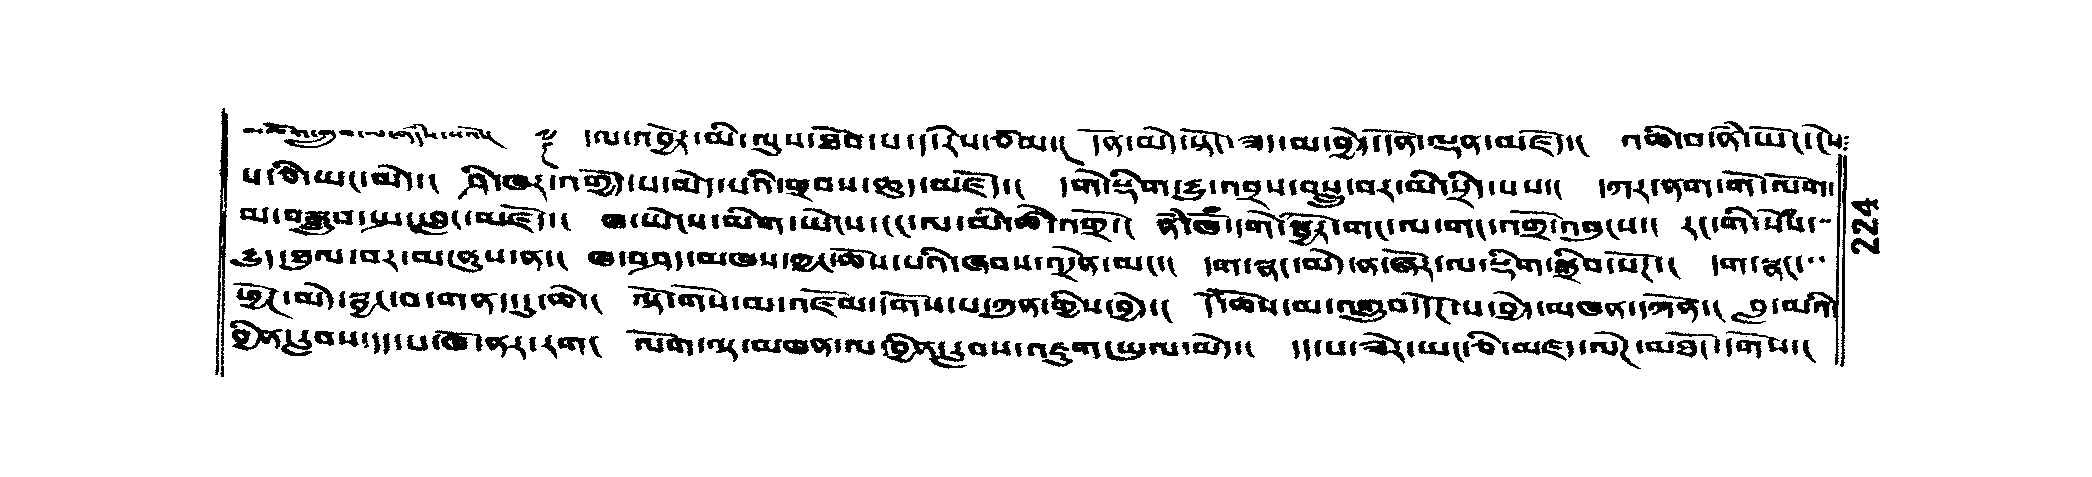མཆོག་གྲུབ་ལ་གདམས་པའོ།། ༈ དལ་འབྱོར་མི་ལུས་ཐོབ་པ་ད་རེས་ཙམ། །དོན་མེད་སྟོང་ཟད་མ་བྱེད་དོན་ལྡན་མཛོད། །འཆི་བ་ནམ་ཡོང་ངེས་
པ་ཅི་ཡང་མེད། །ཤི་ཁར་འགྱོད་པ་མེད་པའི་གྲབས་ཆུད་མཛོད། །དགེ་སྡིག་རྒྱུ་འབྲས་བསླུ་བར་མི་སྲིད་པས། །དཀར་ནག་གོ་ལོག་
མ་བསྒྲུབ་སྤང་བླང་མཛོད། །ཁ་ཡེངས་མིག་ཡེངས་ངང་ལ་མི་ཚེ་འགྲོ། །ནམ་ཁོམ་དགེ་སྦྱོར་གང་ལ་གང་འགྲོ་འབུངས། །རང་གི་སེམས་
རྒྱུད་ཐུལ་བར་མ་ནུས་ན། །ཁ་བཤད་མཁས་ཀྱང་ཆོས་པའི་ཞབས་འདྲེན་མང་། །དག་སྣང་མེད་ན་ཞོར་ལ་སྡིག་སྒྲིབ་གསོག །དག་སྣང་
ཕྱོགས་མེད་སྦྱང་བ་གནད་དུ་ཆེ། །ལྟོ་གོས་མ་འཛོམ་དོགས་པ་ཀུན་གྱིས་བྱེད། །དམ་ཆོས་མ་འགྲུབ་དོགས་པ་བྱེད་མཁན་དཀོན། །བླ་མའི་
བྱིན་རླབས་དད་པ་ཁོ་ནར་རག །ལོག་ལྟ་མཁན་ལ་བྱིན་རླབས་འཇུག་ཡུལ་མེད། །དད་པ་ཟེར་ཡང་ཅི་མཛད་ལེགས་མཐོང་དགོས།